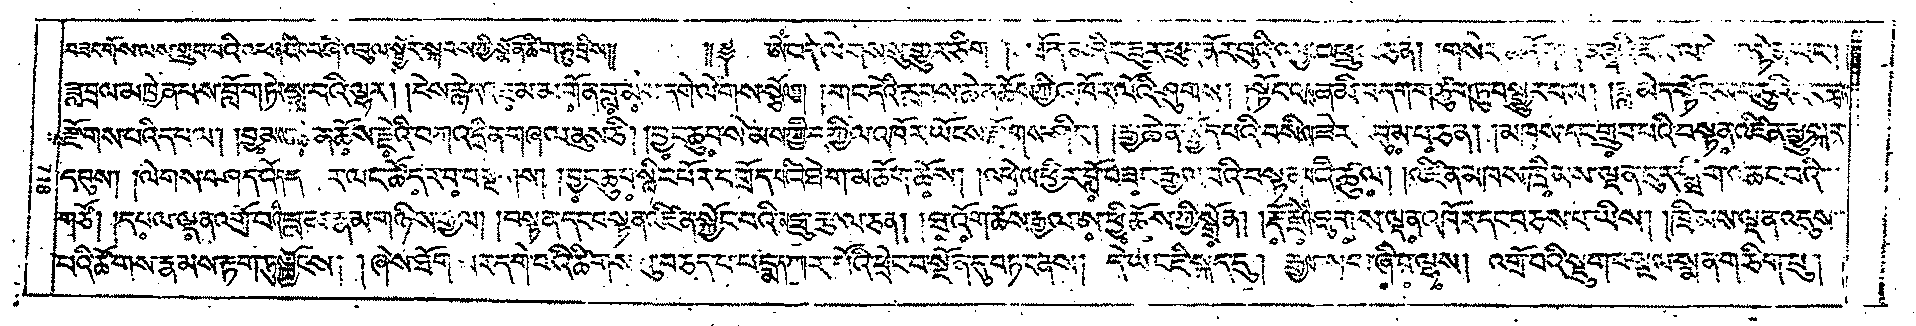བཟང་གོས་ལས་གྲུབ་པའི་འཕན་རིང་བཞི་འབུལ་སྦྱོར་སྐབས་ཀྱི་སྨོན་ཚིག་ཏུ་བྲིས།། །། ༈ ཨོཾ་བདེ་ལེགས་སུ་གྱུར་ཅིག །མཐོན་མཐིང་ཟུར་ཕུད་ནོར་བུའི་འཕྱང་འཕྲུལ་ཅན། །གསེར་མདོག་པཎ་ཞྭའི་ཟོལ་ལ་ཉེར་བསྟེན་ཡང་། །
ཟླ་བྲལ་མཁྱེན་པས་བློ་གཏེར་སྨྲ་བའི་ལྷར། །ངེས་རྙེད་འཇམ྾་མགོན྾་བླ྾་མས྾་དགེ་ལེགས་སྩོལ། །གང་དེའི་རླབས་ཆེན་ཆོས་ཀྱི་འཁོར་ལོའི་ཤུགས། །སྟོང་འཁུན་མི་བདག་གཙུག་ཏུ་བསྒྱུར་བ་ལ། །ཟླ་མེད་སྟོབས་བཅུའི་རང་རྩལ་
རྫོགས་པའི་དཔལ། །བྱམས྾་ཆེན྾་ཆོས྾་རྗེའི྾་བཀའ་དྲིན་གཞལ་ནུས་ཅི། །བྱང྾་ཆུབ྾་སེམས་ཀྱི་དཀྱིལ་འཁོར་ཡོངས་རྫོགས་ཤིང་། །རྒྱ་ཆེན་སྤྱོད་པའི་བསིལ་ཟེར་འབུམ྾་པ྾་ཅན། །མཁས྾་དང་གྲུབ྾་པའི་བསྟན྾་འཛིན་རྒྱུ་སྐར་
དབུས། །ལེགས་བཤད་འོད་དཀར་ལང་ཚོ྾་དར྾་བ྾་བསྔགས། །བྱང྾་ཆུབ྾་སྙིང་པོར་བགྲོད་པའི་ཐེག་མཆོག་ཆོས྾། །འཕེལ྾་ཕྱིར་བློ྾་བཟང྾་རྒྱལ་བའི་བསྟན་པའི་ཚུལ྾། །འཛིན་མཁས་ཁྲིམས྾་ལྡན་ངུར་སྨྲིག་འཆང་བའི་
གཙོ། །དཔལ྾་ལྡན྾་འགྲོ་བའི་བླ་མ་རྣམ་གཉིས་རྒྱལ། །བསྟན་དང་བསྟན་འཛིན་སྐྱོང་བའི་མཐུ་རྩལ་ཅན། །ཐ྾་འོག྾་ཆོས་རྒྱལ་ཨ྾་ཕྱི྾་ཆོས྾་ཀྱི་སྒྲོན྾། །རྡོ྾་རྗེའི྾་ཤུགས྾་ལྡན྾་འཁོར་དང་བཅས་པ་ཡིས། །ཁྲིམས་ལྡན་འདུས་
པའི་ཚོགས་རྣམས་རྟག་ཏུ་སྐྱོངས། །ཞེས་ཐོག་མར་དགེ་བའི་ཚིགས་སུ་བཅད་པ་པདམ་དཀར་པོའི་ཕྲེང་བ་སྔོན་དུ་བཏང་ནས། དེ་ཡང་ཇི་སྐད་དུ། རྒྱལ་སྲས་ཞི྾་བ྾་ལྷས྾། འགྲོ་བའི་སྡུག་བསྔལ་སྨན་གཅིག་པུ། །